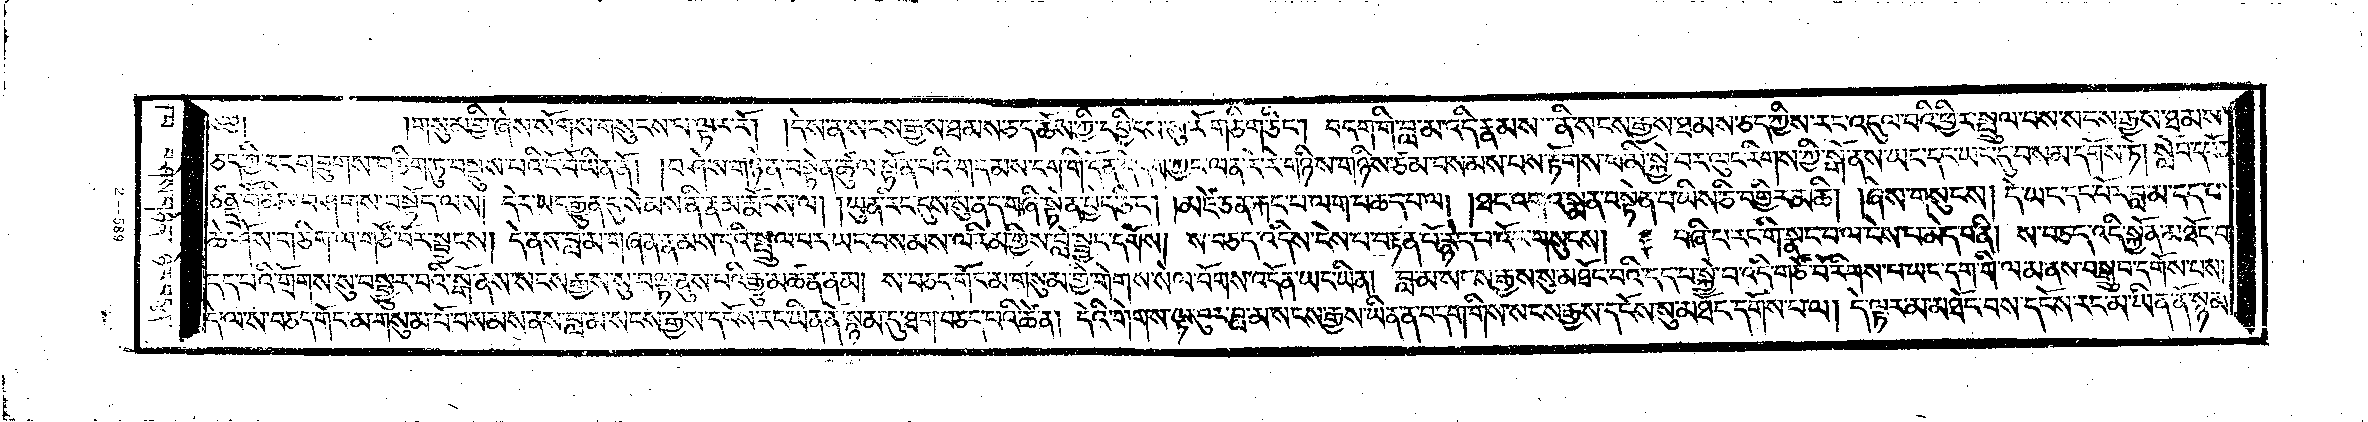༄༅། །གསུམ་གྱི་ཞེས་སོགས་གསུངས་པ་ལྟར་རོ། །དེས་ན་སངས་རྒྱས་ཐམས་ཅད་ཆོས་ཀྱི་དབྱིངས་སུ་རོ་གཅིག་ཅིང་། བདག་གི་བླ་མ་འདི་རྣམས་ནི་སངས་རྒྱས་ཐམས་ཅད་ཀྱིས་རང་འདུལ་བའི་ཕྱིར་སྤྲུལ་བས་སངས་རྒྱས་ཐམས་
ཅད་ཀྱི་རང་གཟུགས་གཅིག་ཏུ་བསྡུས་པའི་ངོ་བོ་ཡིན་ནོ། །བཤེས་གཉེན་བསྟེན་ཚུལ་སྟོན་པའི་གདམས་ངག་གི་དོན་དེ་དག་ཀྱང་ལན་རེ་རེ་གཉིས་གཉིས་ཙམ་བསམས་པས་རྟོགས་པ་མི་སྐྱེ་བར་ལུང་རིགས་ཀྱི་སྒོ་ནས་ཡང་དང་ཡང་དུ་བསམ་དགོས་ཏེ། སློབ་དཔོན་
ཙནྡྲ་གོ་མིས་བཤགས་བསྟོད་ལས། དེར་ཡང་རྒྱུན་དུ་སེམས་ནི་རྣམ་རྨོངས་ལ། །ཡུན་རིང་དུས་སུ་ནད་གཞི་སྟེན་བྱེད་ཅིང་། །མཛེ་ཅན་རྐང་པ་ལག་པ་ཆད་པ་ལ། །ཐང་འགའ་སྨན་བསྟེན་པ་ཡིས་ཅི་བགྱིར་མཆི། །ཞེས་གསུངས། དེ་ཡང་དང་པོར་བླ་མ་དད་པ་
ཆེ་ཤོས་གཅིག་ལ་གཙོ་བོར་སྦྱངས། དེ་ནས་བླ་མ་གཞན་རྣམས་དའི་སྤྲུལ་པར་ཡང་བསམས་ལ་རིམ་གྱིས་བློ་སྦྱང་དགོས། ས་བཅད་འདིས་ངེས་པ་བརྟན་པོ་རྙེད་པ་འོང་གསུངས། ༈ བཞི་པ་རང་གི་སྣང་བ་ལ་ངེས་པ་མེད་པ་ནི། ས་བཅད་འདི་སྐྱོན་མཐོང་བ་
དད་པའི་གྲོགས་སུ་བསྒྱུར་པའི་སྒོ་ནས་སངས་རྒྱས་སུ་བལྟ་ནུས་པའི་རྒྱུ་མཚན་ནམ། ས་བཅད་གོང་མ་གསུམ་གྱི་གེགས་སེལ་བོགས་འདོན་ཡང་ཡིན། བླ་མ་སངས་རྒྱས་སུ་མཐོང་བའི་དད་པ་སྐྱེ་བ་འདི་གཙོ་བོ་རིགས་པ་ཡང་དག་གི་ལམ་ནས་བསྒྲུབ་དགོས་པས།
དེ་ལ་ས་བཅད་གོང་མ་གསུམ་པོ་བསམས་ནས་བླ་མ་སངས་རྒྱས་དངོས་རང་ཡིན་ནོ་སྙམ་དུ་ཐག་བཅད་པའི་ཚེ་ན། དེའི་གེགས་ལྟ་བུར་བླ་མ་སངས་རྒྱས་ཡིན་ན་བདག་གིས་སངས་རྒྱས་དངོས་སུ་མཐོང་དགོས་པ་ལ། དེ་ལྟར་མ་མཐོང་བས་དངོས་རང་མ་ཡིན་ནོ་སྙམ་